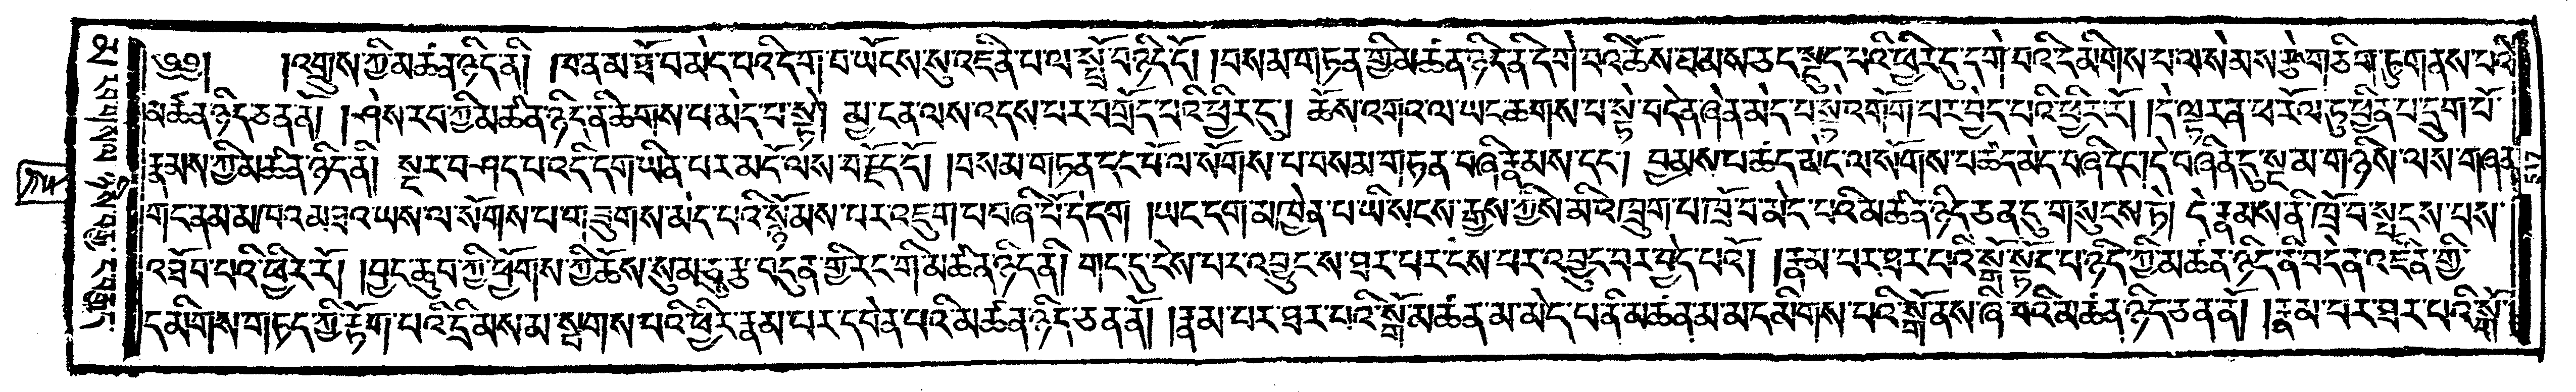༄༅། །འགྲུས་ཀྱི་མཚན་ཉིད་ནི། ཁ་ན་མ་ཐོ་བ་མེད་པའི་དགེ་བ་ཡོངས་སུ་འཛིན་པ་ལ་སྤྲོ་བ་ཉིད་དོ། །བསམ་གཏན་གྱི་མཚན་ཉིད་ནི་དགེ་བའི་ཆོས་ཐམས་ཅད་སྡུད་པའི་ཕྱིར་དུ་དགེ་བའི་དམིགས་པ་ལ་སེམས་རྩེ་གཅིག་ཏུ་གནས་པའི་
མཚན་ཉིད་ཅན་ནོ། །ཤེས་རབ་ཀྱི་མཚན་ཉིད་ནི་ཆགས་པ་མེད་པ་སྟེ། མྱ་ངན་ལས་འདས་པར་བགྲོད་པའི་ཕྱིར་དུ། ཆོས་འགའ་ལ་ཡང་ཆགས་པ་སྟེ་བདེན་ཞེན་མེད་པ་སྟེ་འགོག་པར་བྱེད་པའི་ཕྱིར་རོ། །དེ་ལྟར་ན་ཕ་རོལ་ཏུ་ཕྱིན་པ་དྲུག་པོ་
རྣམས་ཀྱི་མཚན་ཉིད་ནི། སྔར་བཤད་པ་འདི་དག་ཡིན་པར་མདོ་ལས་བརྗོད་དོ། །བསམ་གཏན་དང་པོ་ལ་སོགས་པ་བསམ་གཏན་བཞི་རྣམས་དང་། བྱམས་པ་ཚད་མེད་ལ་སོགས་པ་ཚད་མེད་བཞི་དང་། དེ་བཞིན་དུ་སྔ་མ་གཉིས་ལས་གཞན་
གང་ནམ་མཁའ་མཐའ་ཡས་ལ་སོགས་པ་གཟུགས་མེད་པའི་སྙོམས་པར་འཇུག་པ་བཞི་པོ་དེ་དག །ཡང་དག་མཁྱེན་པ་ཡི་སངས་རྒྱས་ཀྱིས་མི་འཁྲུག་པ་ཁྲོ་བ་མེད་པའི་མཚན་ཉིད་ཅན་དུ་གསུངས་ཏེ། དེ་རྣམས་ནི་ཁྲོ་བ་སྤངས་པས་
འཐོབ་པའི་ཕྱིར་རོ། །བྱང་ཆུབ་ཀྱི་ཕྱོགས་ཀྱི་ཆོས་སུམ་ཅུ་རྩ་བདུན་གྱི་རང་གི་མཚན་ཉིད་ནི། གང་དུ་ངེས་པར་འབྱུང་ས་ཐར་པར་ངེས་པར་འབྱུང་བར་བྱེད་པའོ། །རྣམ་པར་ཐར་པའི་སྒོ་སྟོང་པ་ཉིད་ཀྱི་མཚན་ཉིད་ནི་བདེན་འཛིན་གྱི་
དམིགས་གཏད་ཀྱི་རྟོག་པའི་དྲི་མས་མ་སྦགས་པའི་ཕྱིར་རྣམ་པར་དབེན་པའི་མཚན་ཉིད་ཅན་ནོ། །རྣམ་པར་ཐར་པའི་སྒོ་མཚན་མ་མེད་པ་ནི་མཚན་མ་མ་དམིགས་པའི་སྒོ་ནས་ཞི་བའི་མཚན་ཉིད་ཅན་ནོ། །རྣམ་པར་ཐར་པའི་སྒོ་